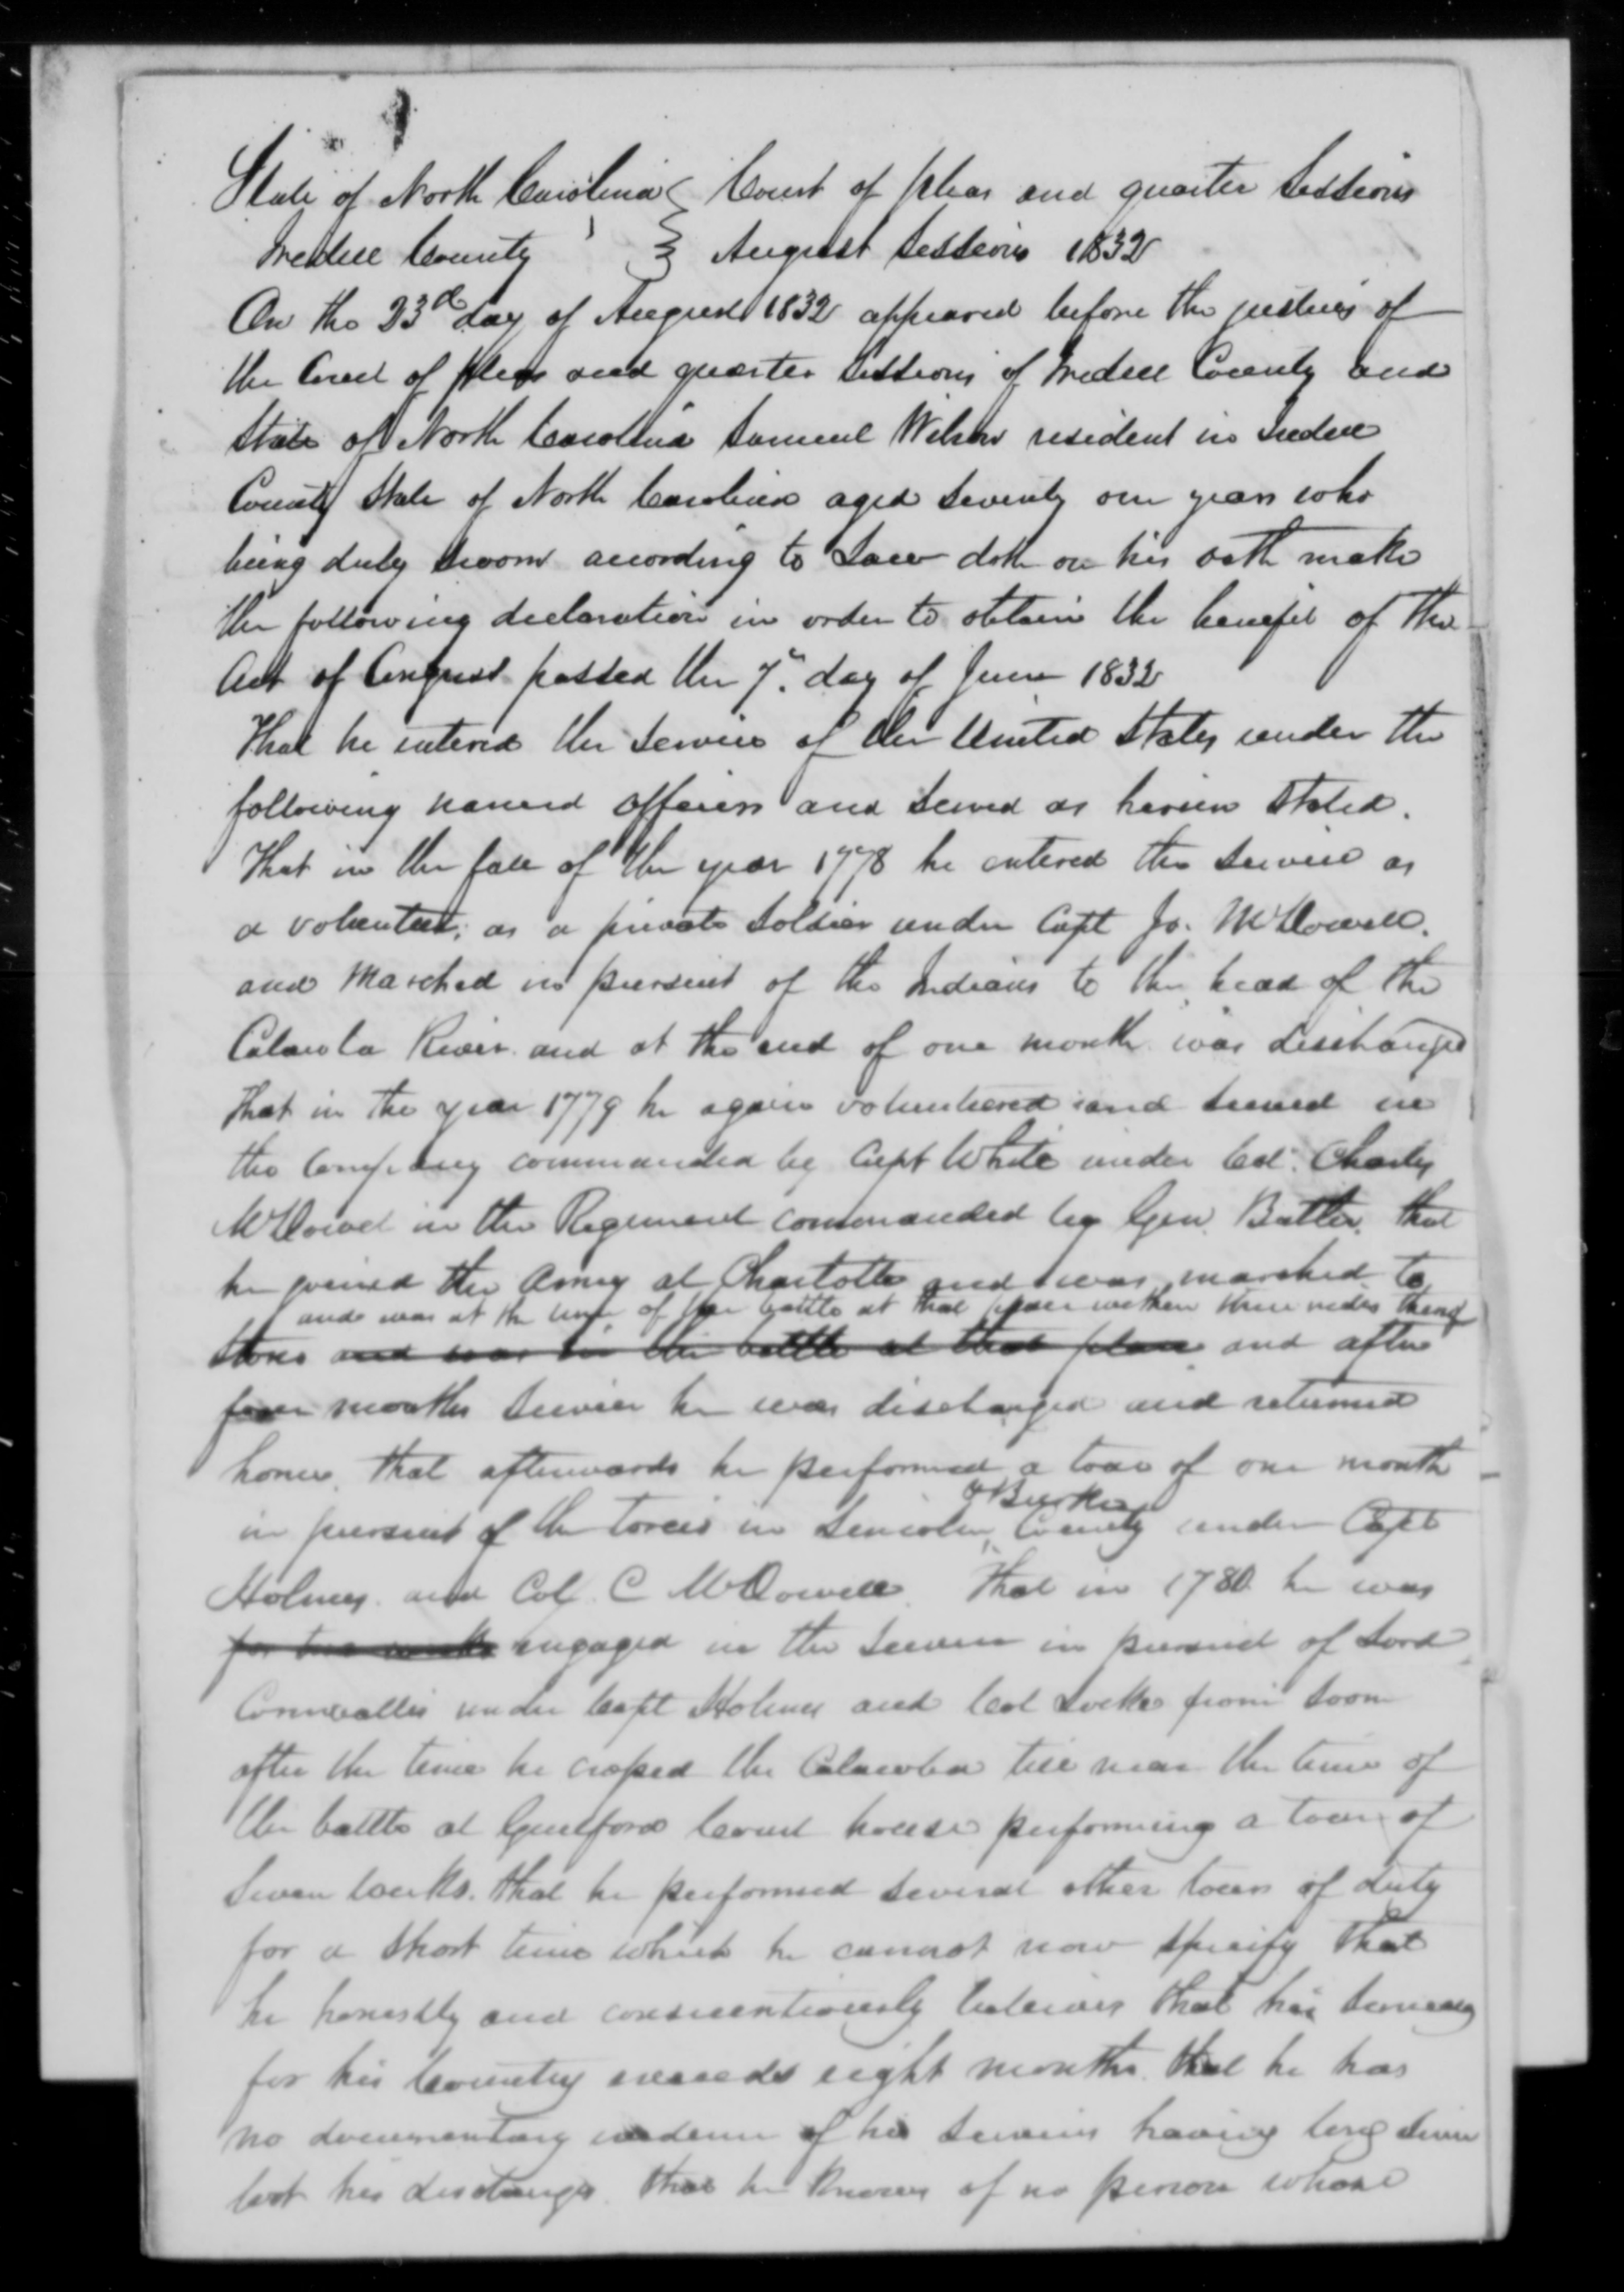State of North Carolina, Court of pleas and quarter sessions, Iredell County, '3, August sessions, 1832.
On the 23rd day of August 1832 appeared before this preceding of the Court of pleas and quarter sessions of Iredell County and State of  North Carolina Samuel Wilson resided in Iredell County State of North Carolina aged seventy one years old  being duly sword according to law doth on his oath make the following declaration in order to obtain the benefit of this Act of Congress passed the 7th day of June 1832.
That he entered the service of the United States under the following named officers and served as herein stated.
That in the fall of the year 1778 he entered the service as a volunteer, as a private soldier under Capt. Jo. McDowell and marched in pursuit of the Indians to the head of the Catawba River and at the end of one month was discharged.
That in the year 1779 he again volunteered and served as the [?] commander by Capt White under Col. Charly McDowell in the Regiment commanded by Ag Gen. Butter that he promised to the Army of Charlotte and was marched to and was at the line of the battle at that time we knew there needing change and after four months service he was discharged and returned home.
That afterwards he performed a total of one month in pursuit of the Tories in service for Burke County under Capt. Holssey and Col. C. McDowell.
That in 1780 he was engaged in the service in pursuit of Lord Cornwallis under Capt. Holmes  and Col. Sevell's front door -- after the time he cropped the Calmearban tree as some of the [?] of the Battle of Guilford Court House performing a tour of service locks.
That he performed several other tours of service for a short time which he cannot now specify.
That he honestly and condescentially states that his service for his country was for eight months.  That he has no documentary evidence of his service having long since lost his discharge.
That he knows of no persons whose ...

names: C Mc Dowell, Holmes, Locke, White, Charles Mc Dowel, Jo Mc Dowell, Batler, Samuel Wilson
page: 7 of 13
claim: survivor's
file: S. 7944, Samuel Wilson, N.C.